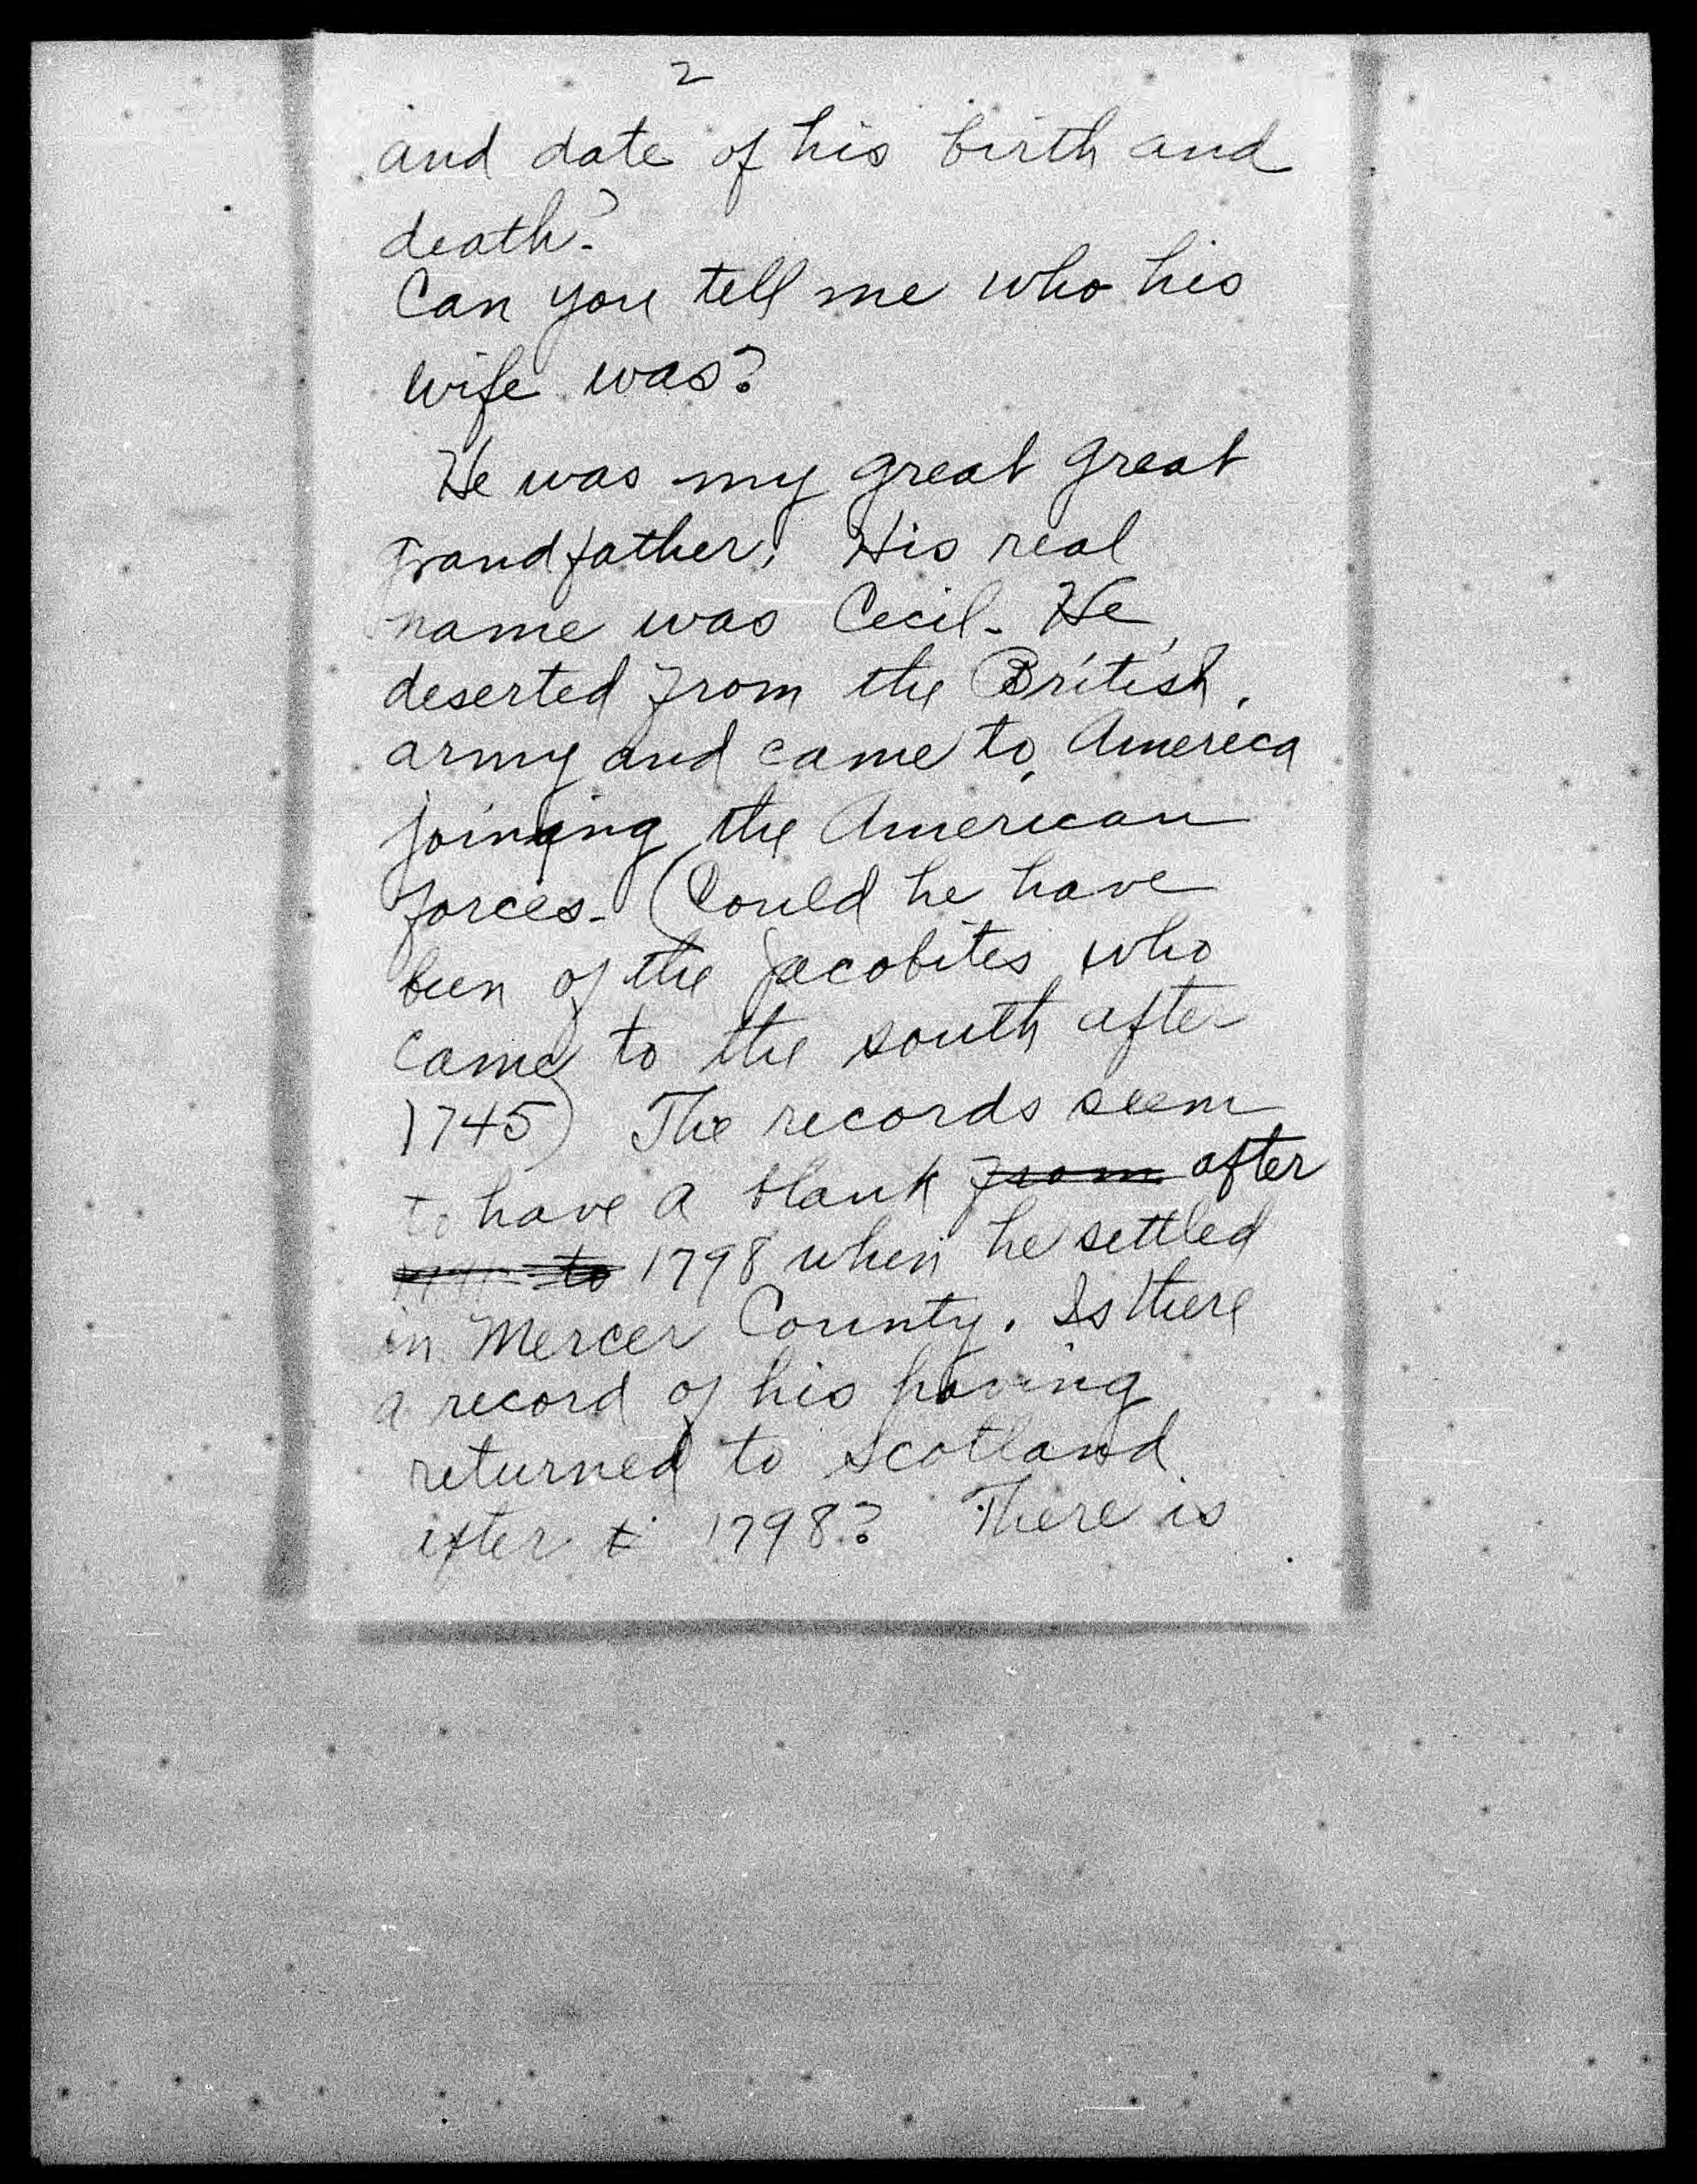and date of his birth and death? Can you tell me who his wife was?
He was my great great grandfather, His real name was Cecil. He deserted from the British army and came to America joining the American forces. (Could he have been of the Jacobites who came to the South after 1745) The records seem to have a blank after 1798 when he settled in Mercer County. Is there a record of his having returned to Scotland after 1798? There is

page: 57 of 59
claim: widow's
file: W 3703, for Robert Mc Donald, Pennsylvania